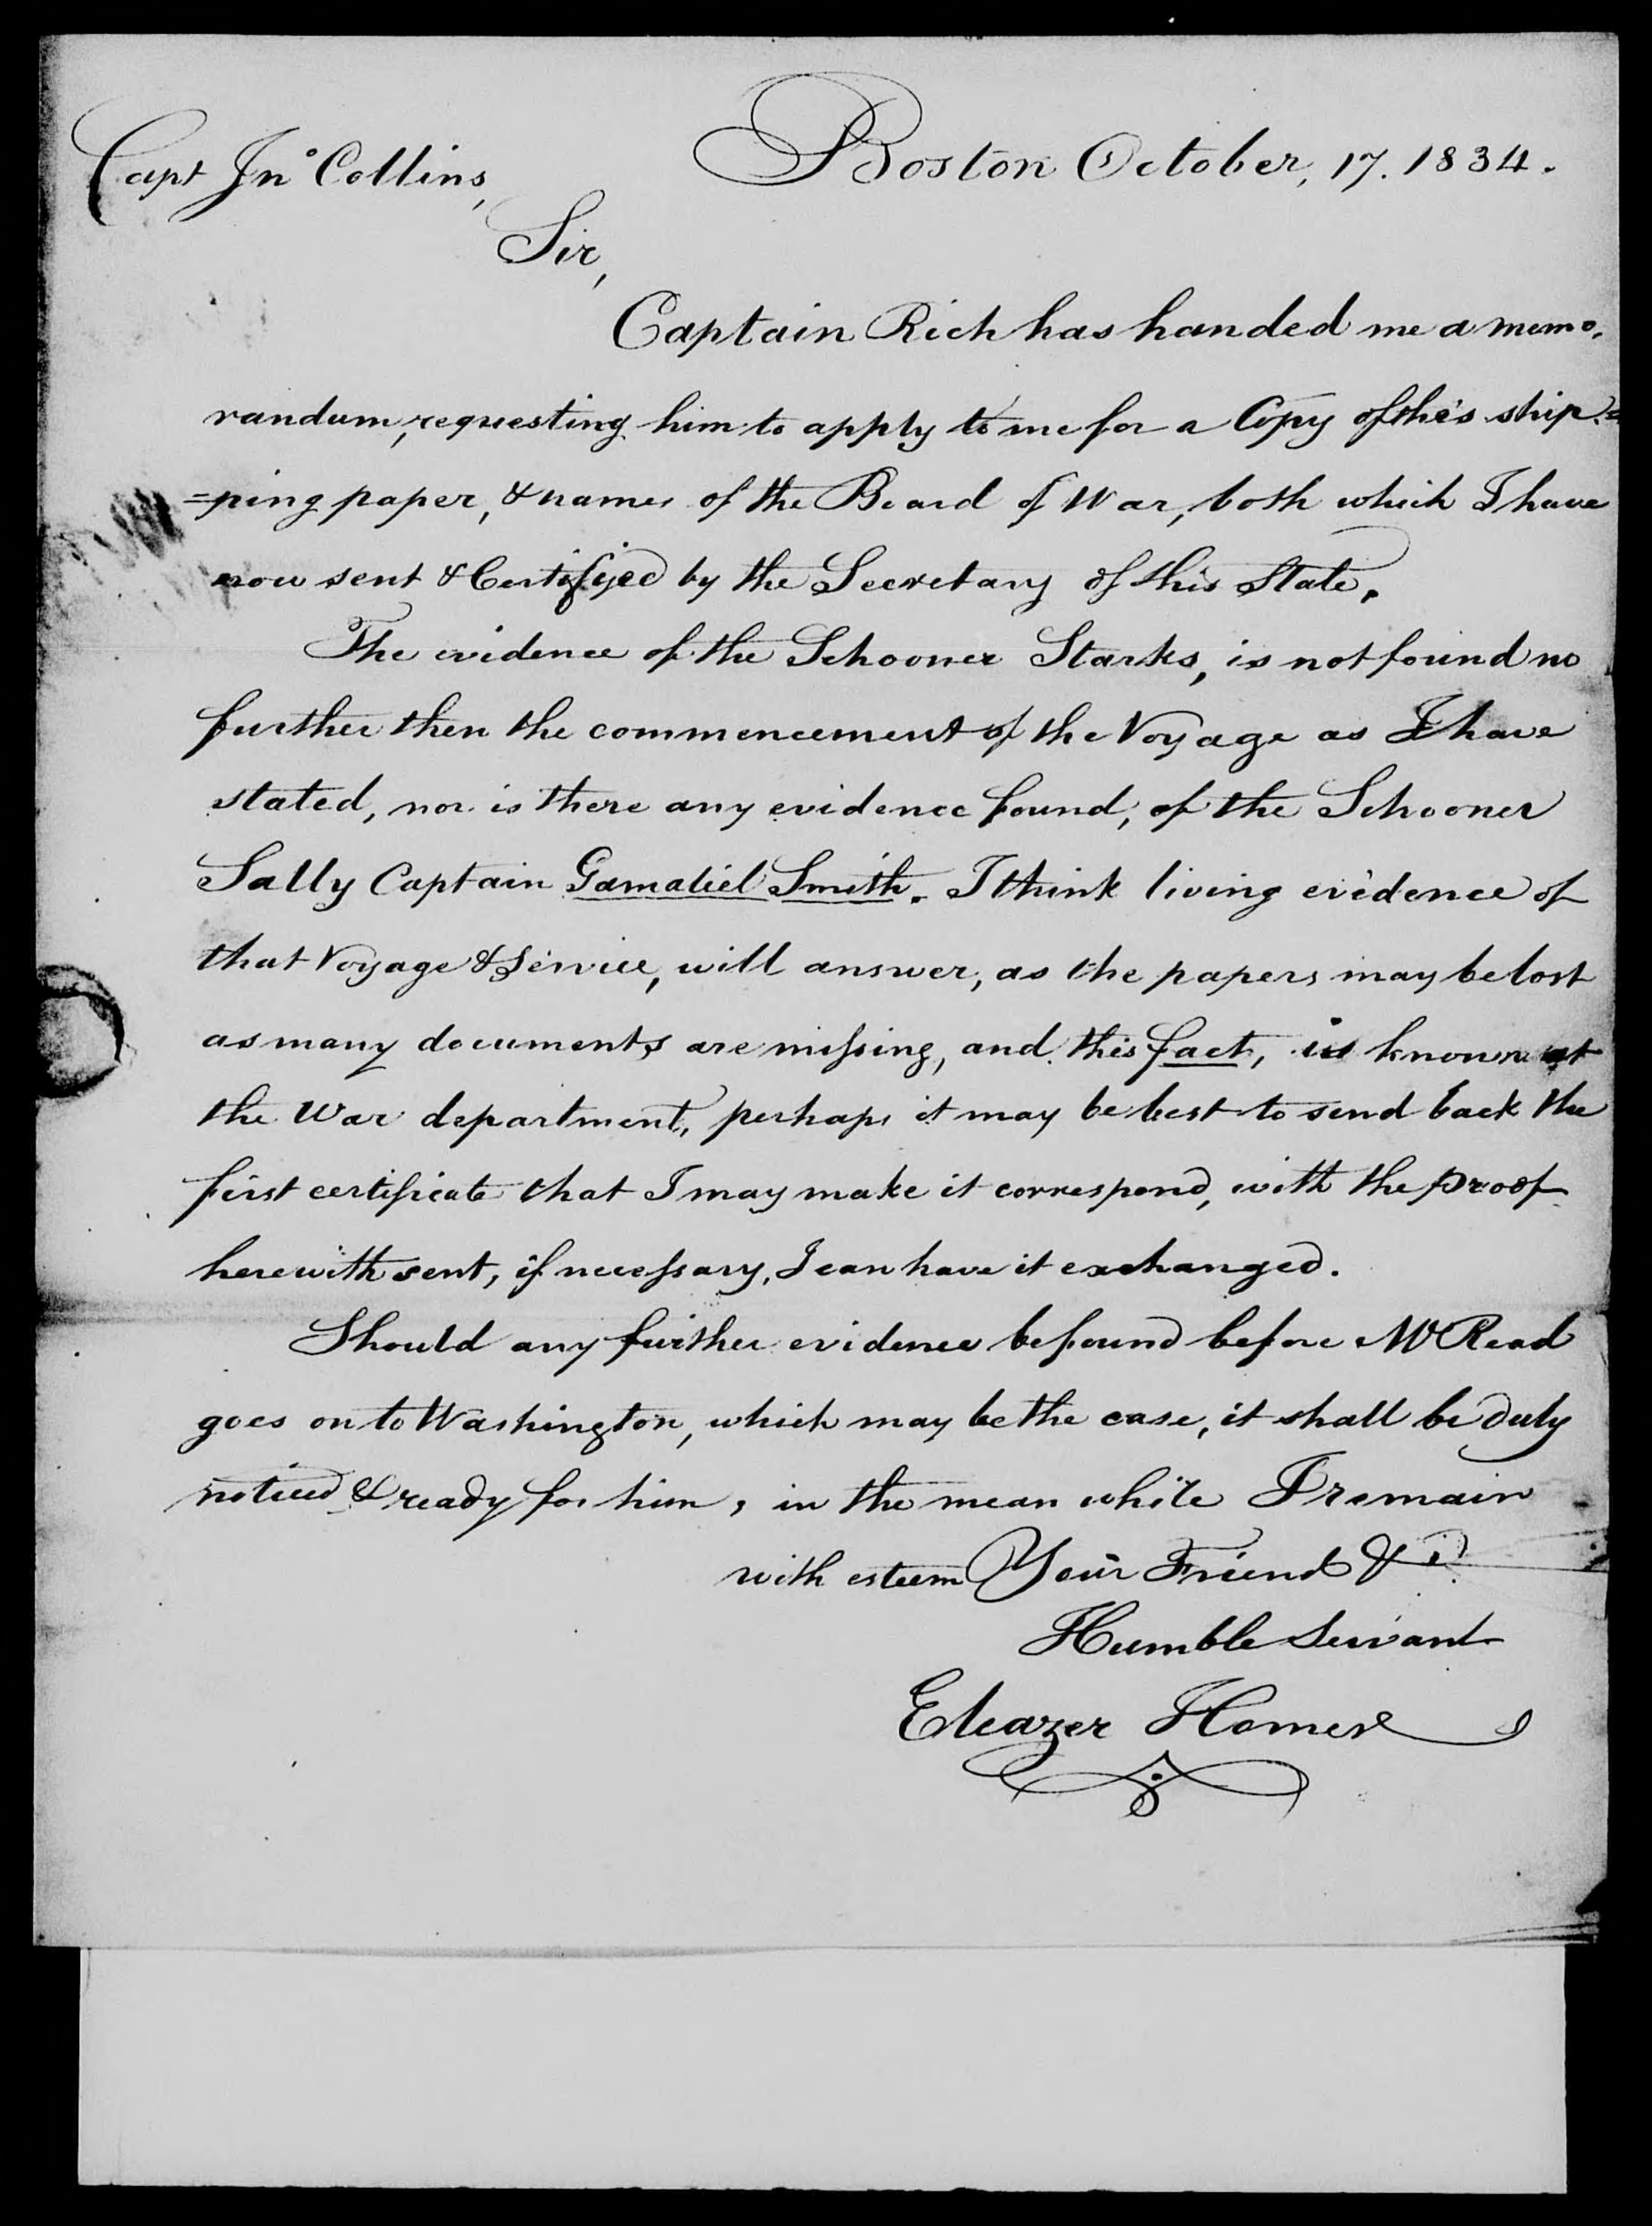Boston October, 17. 1834. Capt Jn Collins 

Sir Captain Rich has handed me a memorandum requesting him to apply to me for a copy of this shipping paper, & names of the Board of War, both which I have now sent & Certifyed by the Secretary of this State, 

The evidence of the Schooner Starks, is not found no further then the commencement of the voyage as I have stated, nor is there any evidence found of the Schooner Sally Captain Gamaliel Smith. I think living evidence of that voyage & service, will answer, as the papers may be lost as many documents are missing, and this fact, is known at the war department, perhaps it may be best to send back the first certificate that I may make it correspond with the proof herewith sent, if necessary, I can have it exchanged 

Should any further evidence be found before Mr Read goes on to Washington, which may be the case, it shall be duly noticed & ready for him, in the mean while I remain with esteem Your Friend & Humble Servant 
Eleazer Homer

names: Gamaliel Smith, Jno Collins, Rich, Read, Eleazer Homer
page: 30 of 43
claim: survivor's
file: S. 29,732, John Collins, Mass. Navy